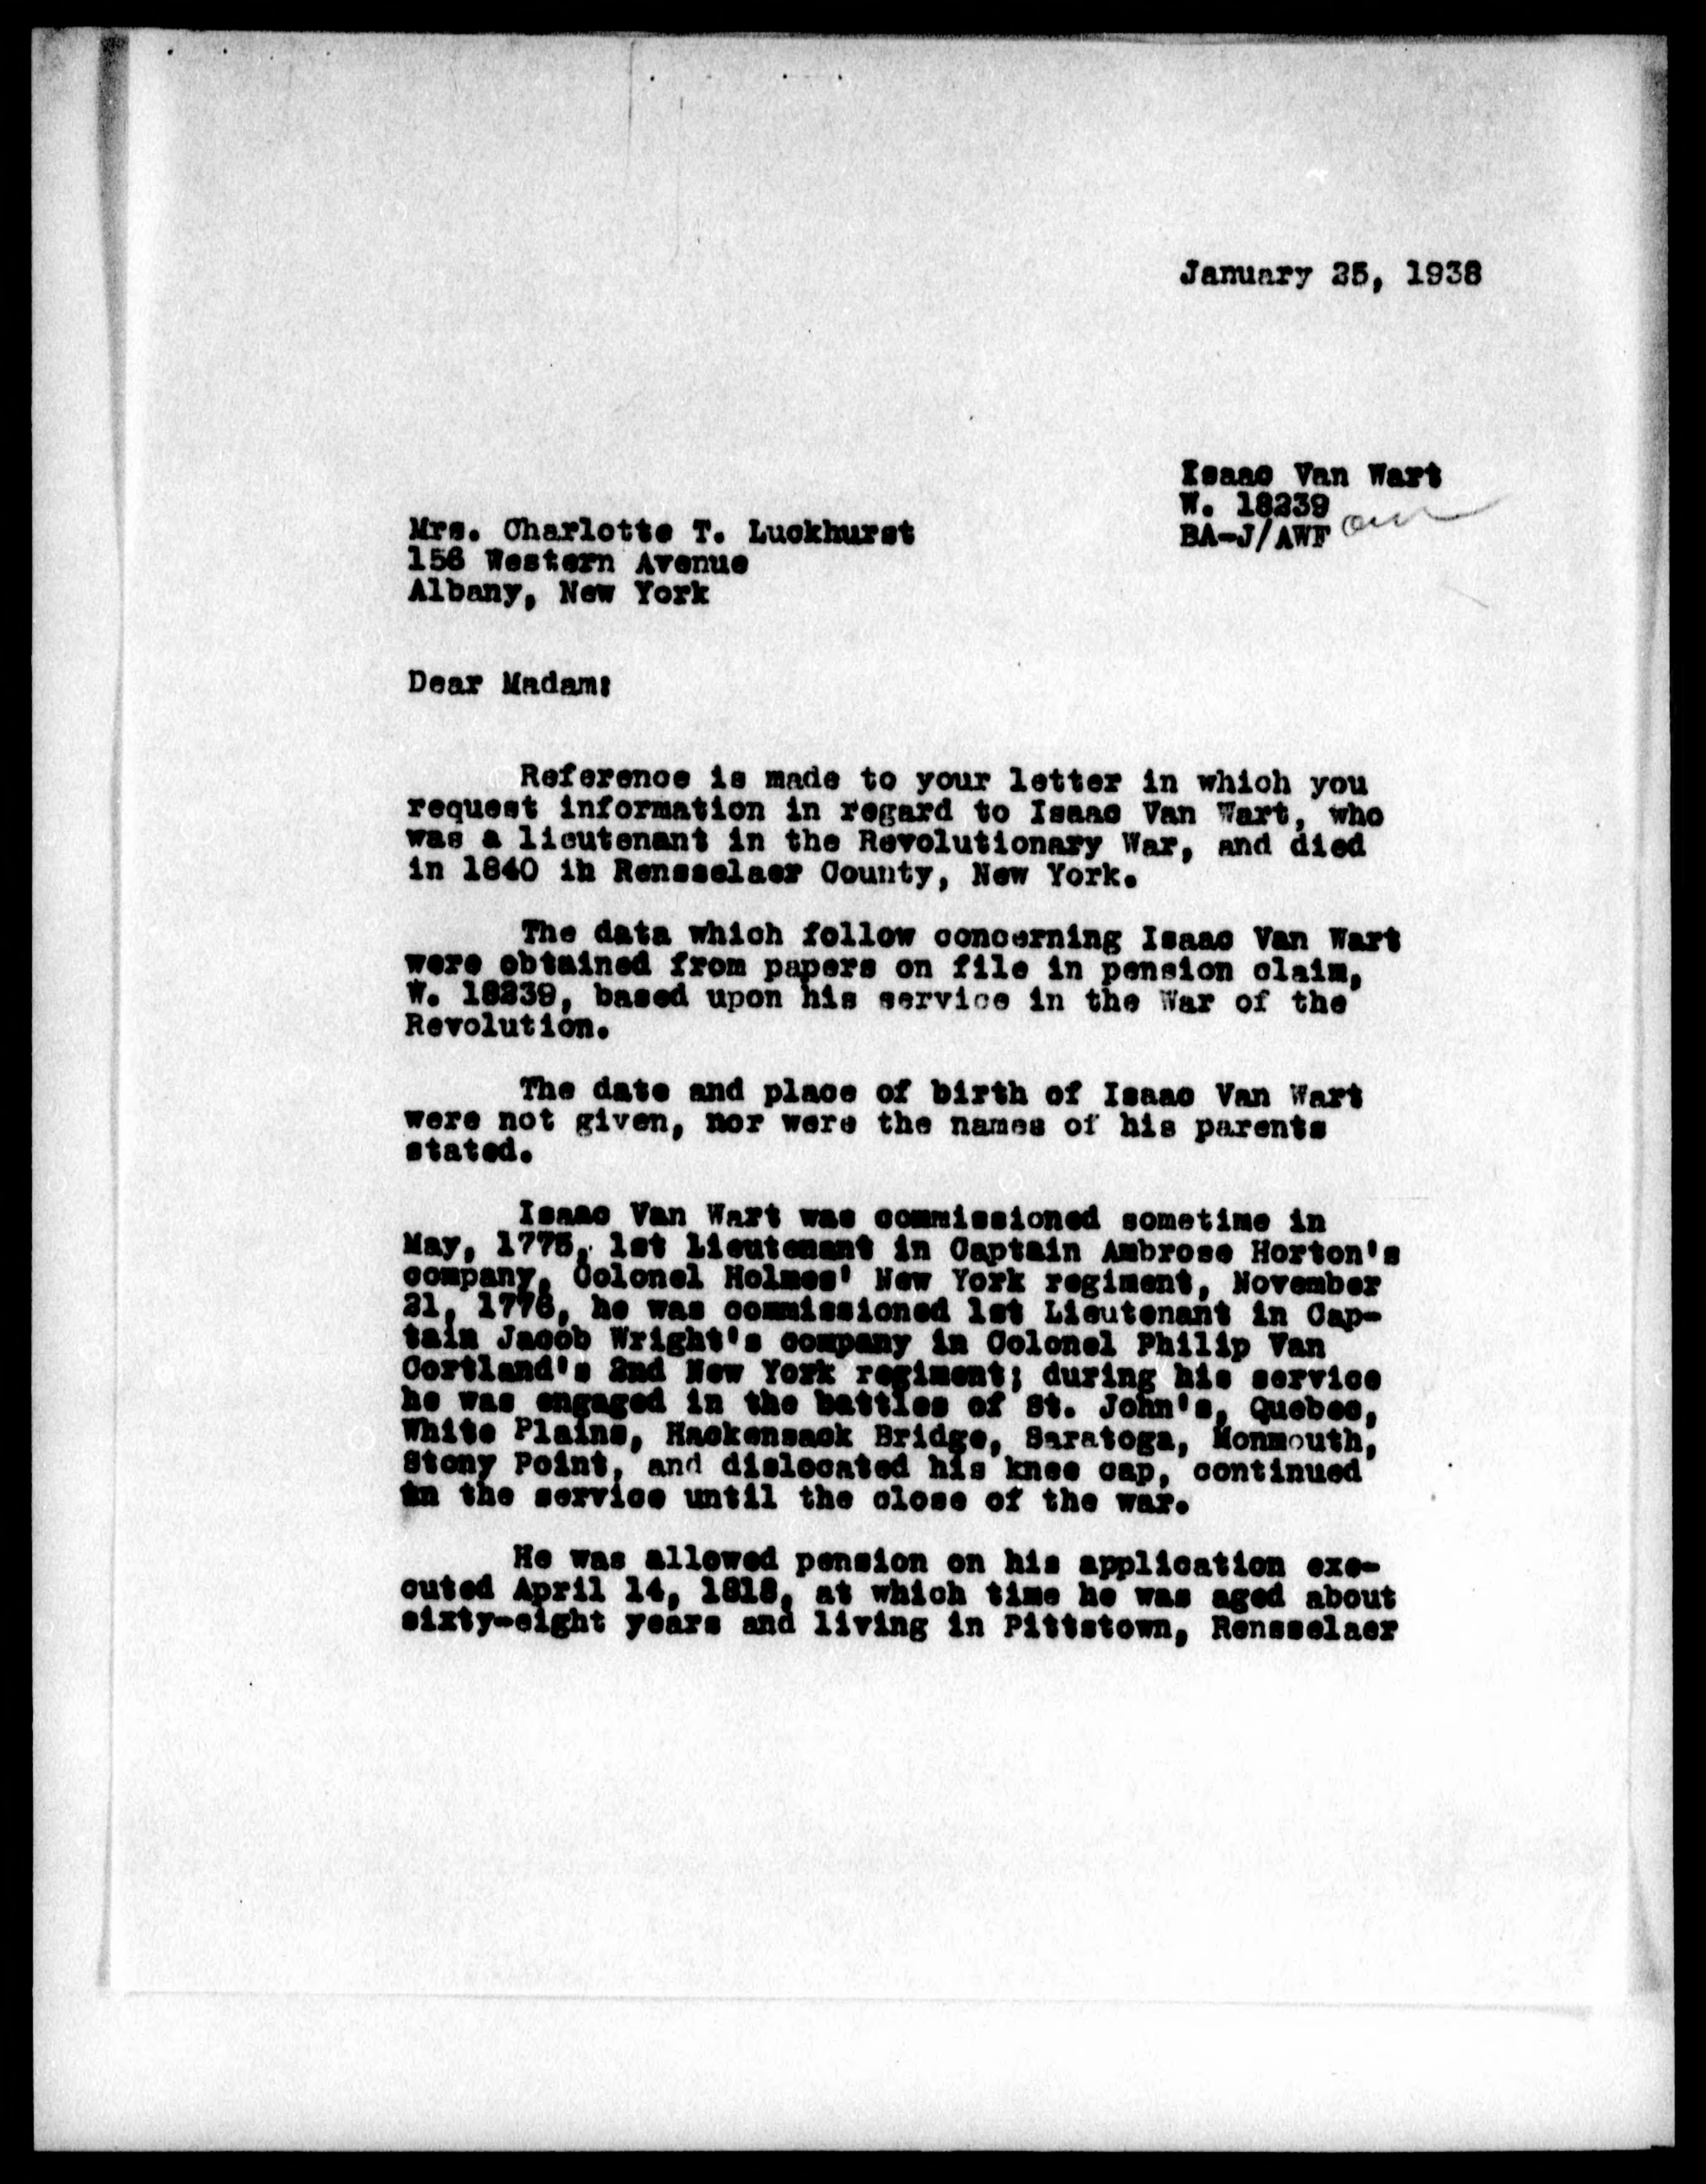Isaac Van Wart
W.18239
BA-J/AWF

Mrs. Charlotte T. Luckhurst
156 Western Avenue
Albany, New York

Dear Madam:

    Reference is made to your letter in which you request information in regard to Isaac Van Wart, who was a lieutenant in the Revolutionary War, and died in 1840 in Rensselaer County, New York.

    The data which follow concerning Isaac Van Wart were obtained from papers on file in pension claim, W. 18239, based upon his service in the War of the Revolution.

    The date and place of birth of Isaac Van Wart were not given, nor were the names of his parents stated.

    Isaac Van Wart was commissioned sometime in May, 1775, 1st Lieutenant in Captain Ambrose Horton's company, Colonel Holmes' New York regiment, November 21, 1776, he was commissioned 1st Lieutenant in Captain Jacob Wright's company in Colonel Philip Van Cortland's 2nd New York regiment;  during his service he was engaged in the battles of St. John's, Quebec, White Plains, Hackensack Bridge, Saratoga, Monmouth, Stony Point, and dislocated his knee cap, continued in the service until the close of the war.

    He was allowed pension on his application executed April 14, 1818, at which time he was aged about sixty-eight years and living in Pittstown, Rensselaer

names: Isaac Van Wart, Charlotte T Luckhurst, Isaac Van Wart, Isaac Van Wart, Isaac Van Wart, Isaac Van Wart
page: 17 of 102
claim: widow's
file: W. 18239, Isaac Van Wart, New York